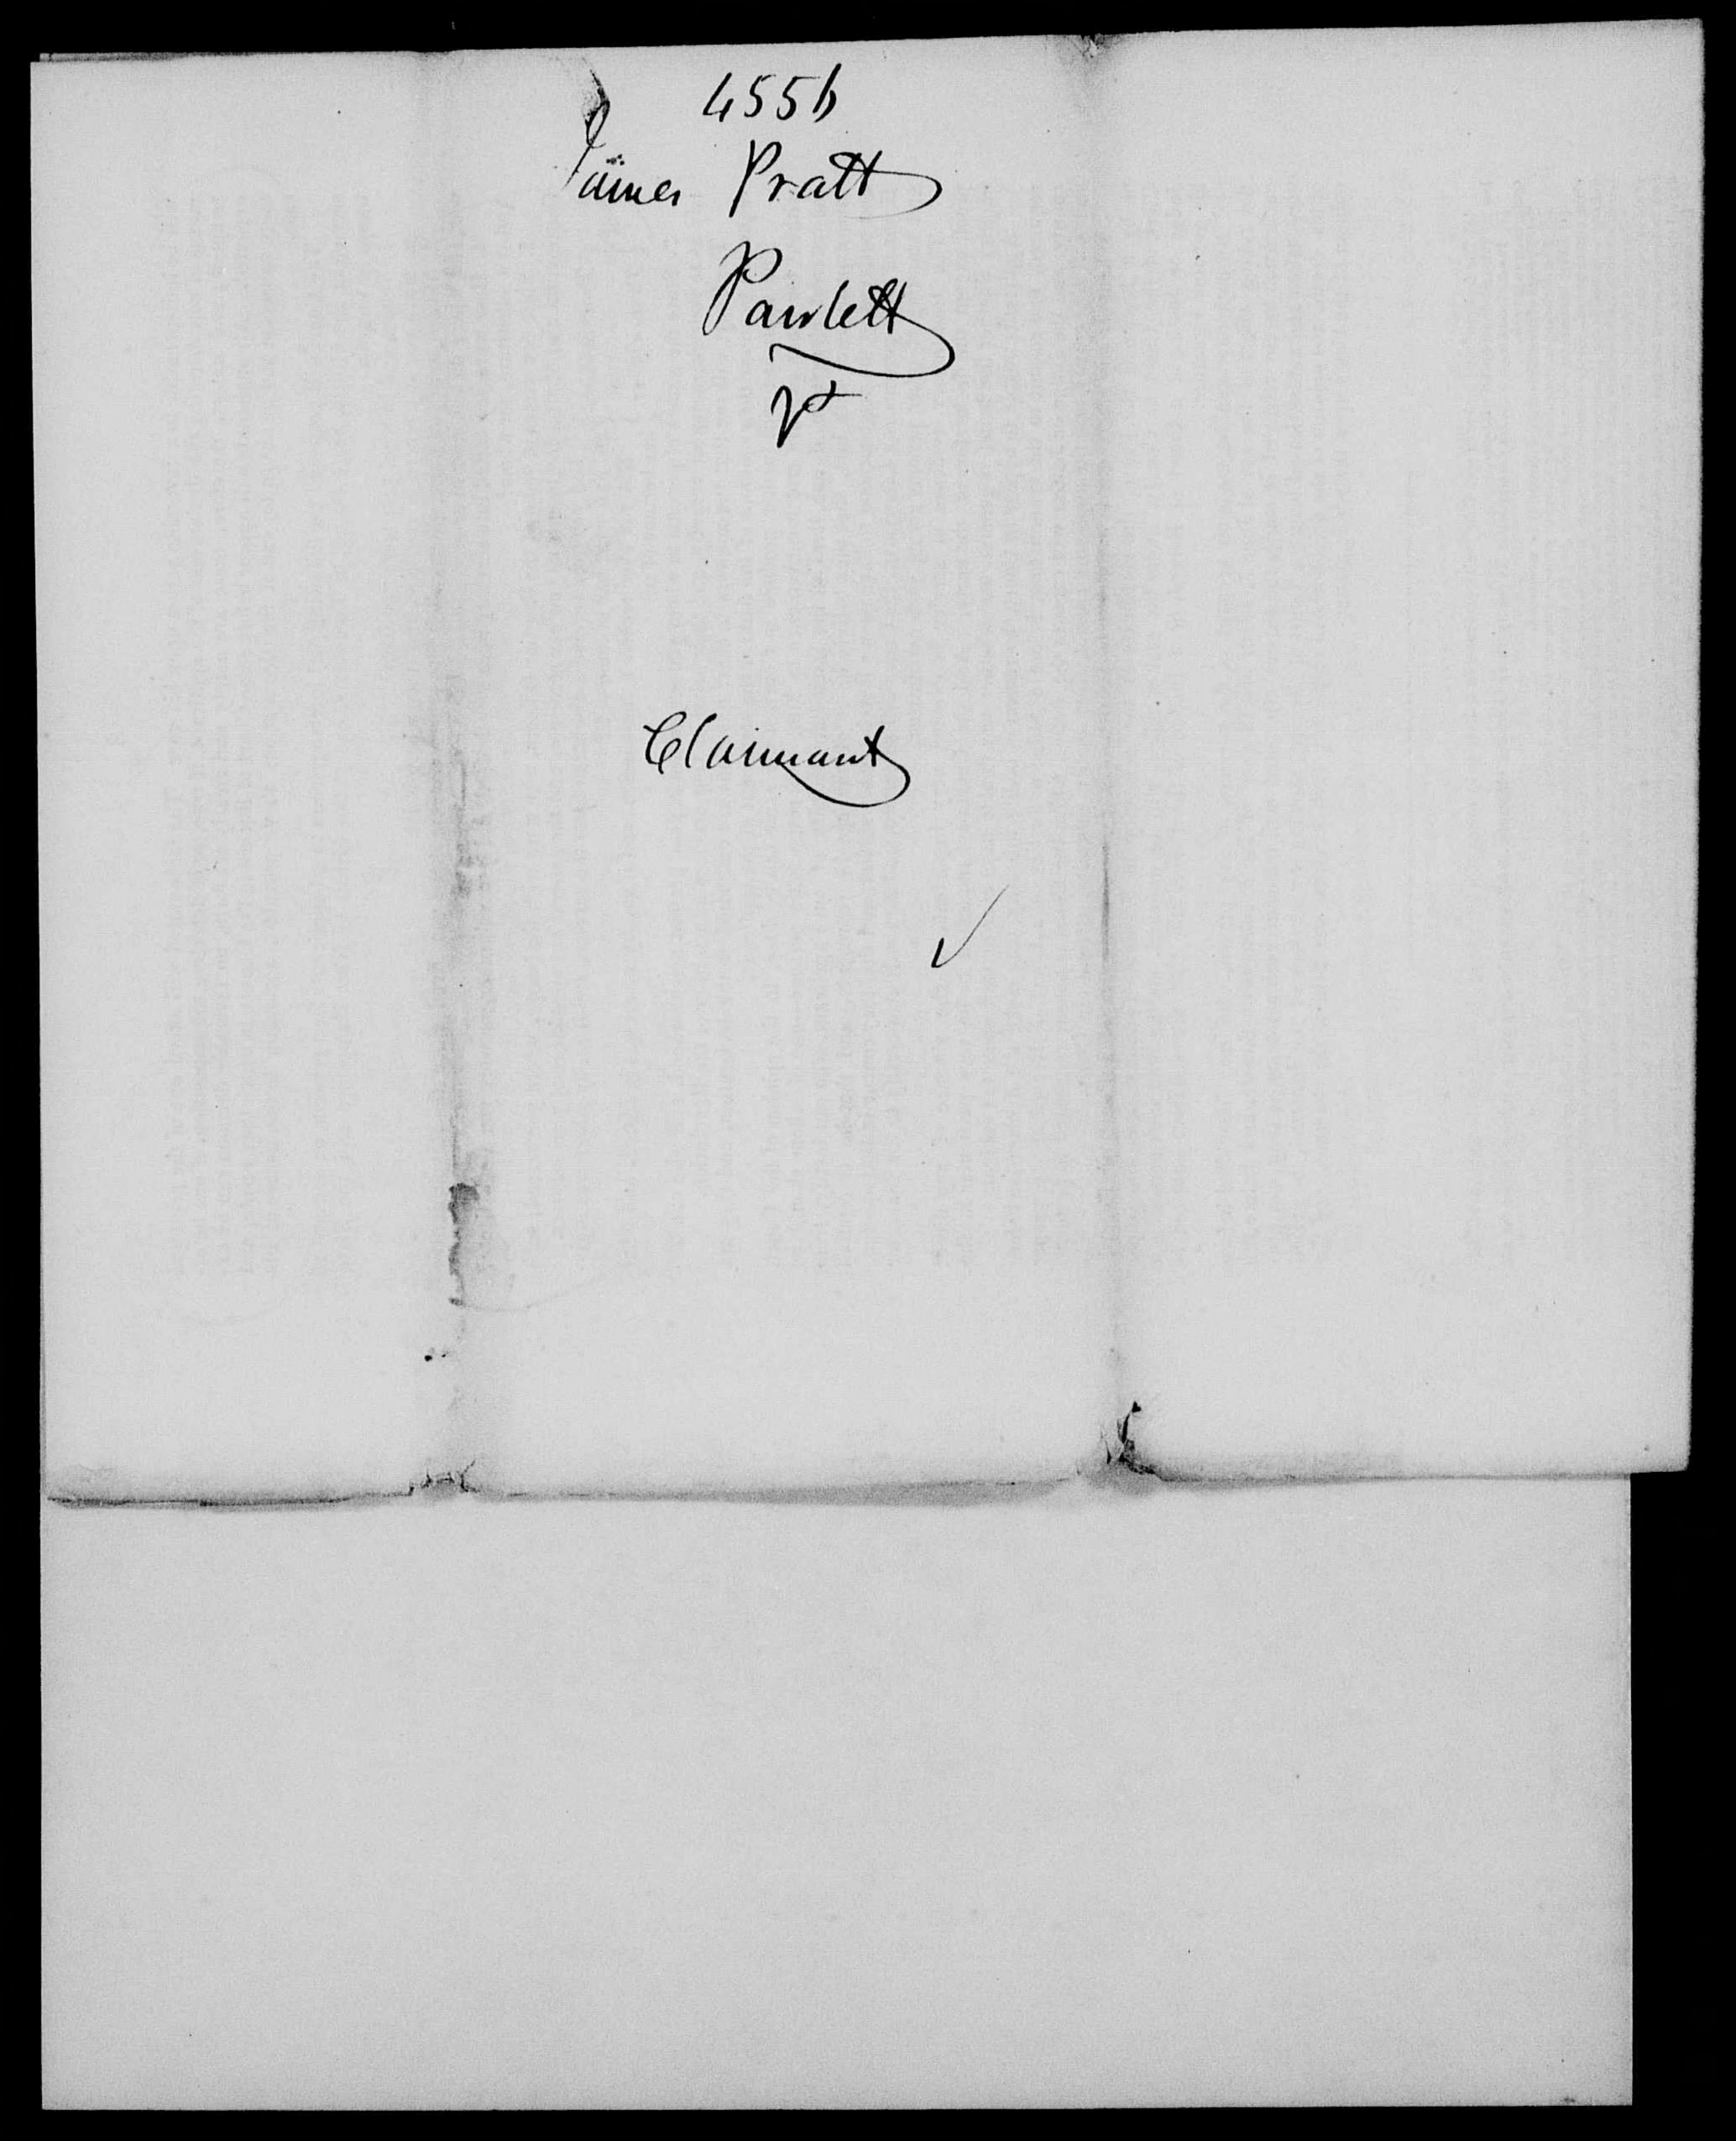4556
James Pratt
Pawlet
Vt
Claimant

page: 14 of 29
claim: survivor's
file: S. 14,222, for James Pratt, Vermont